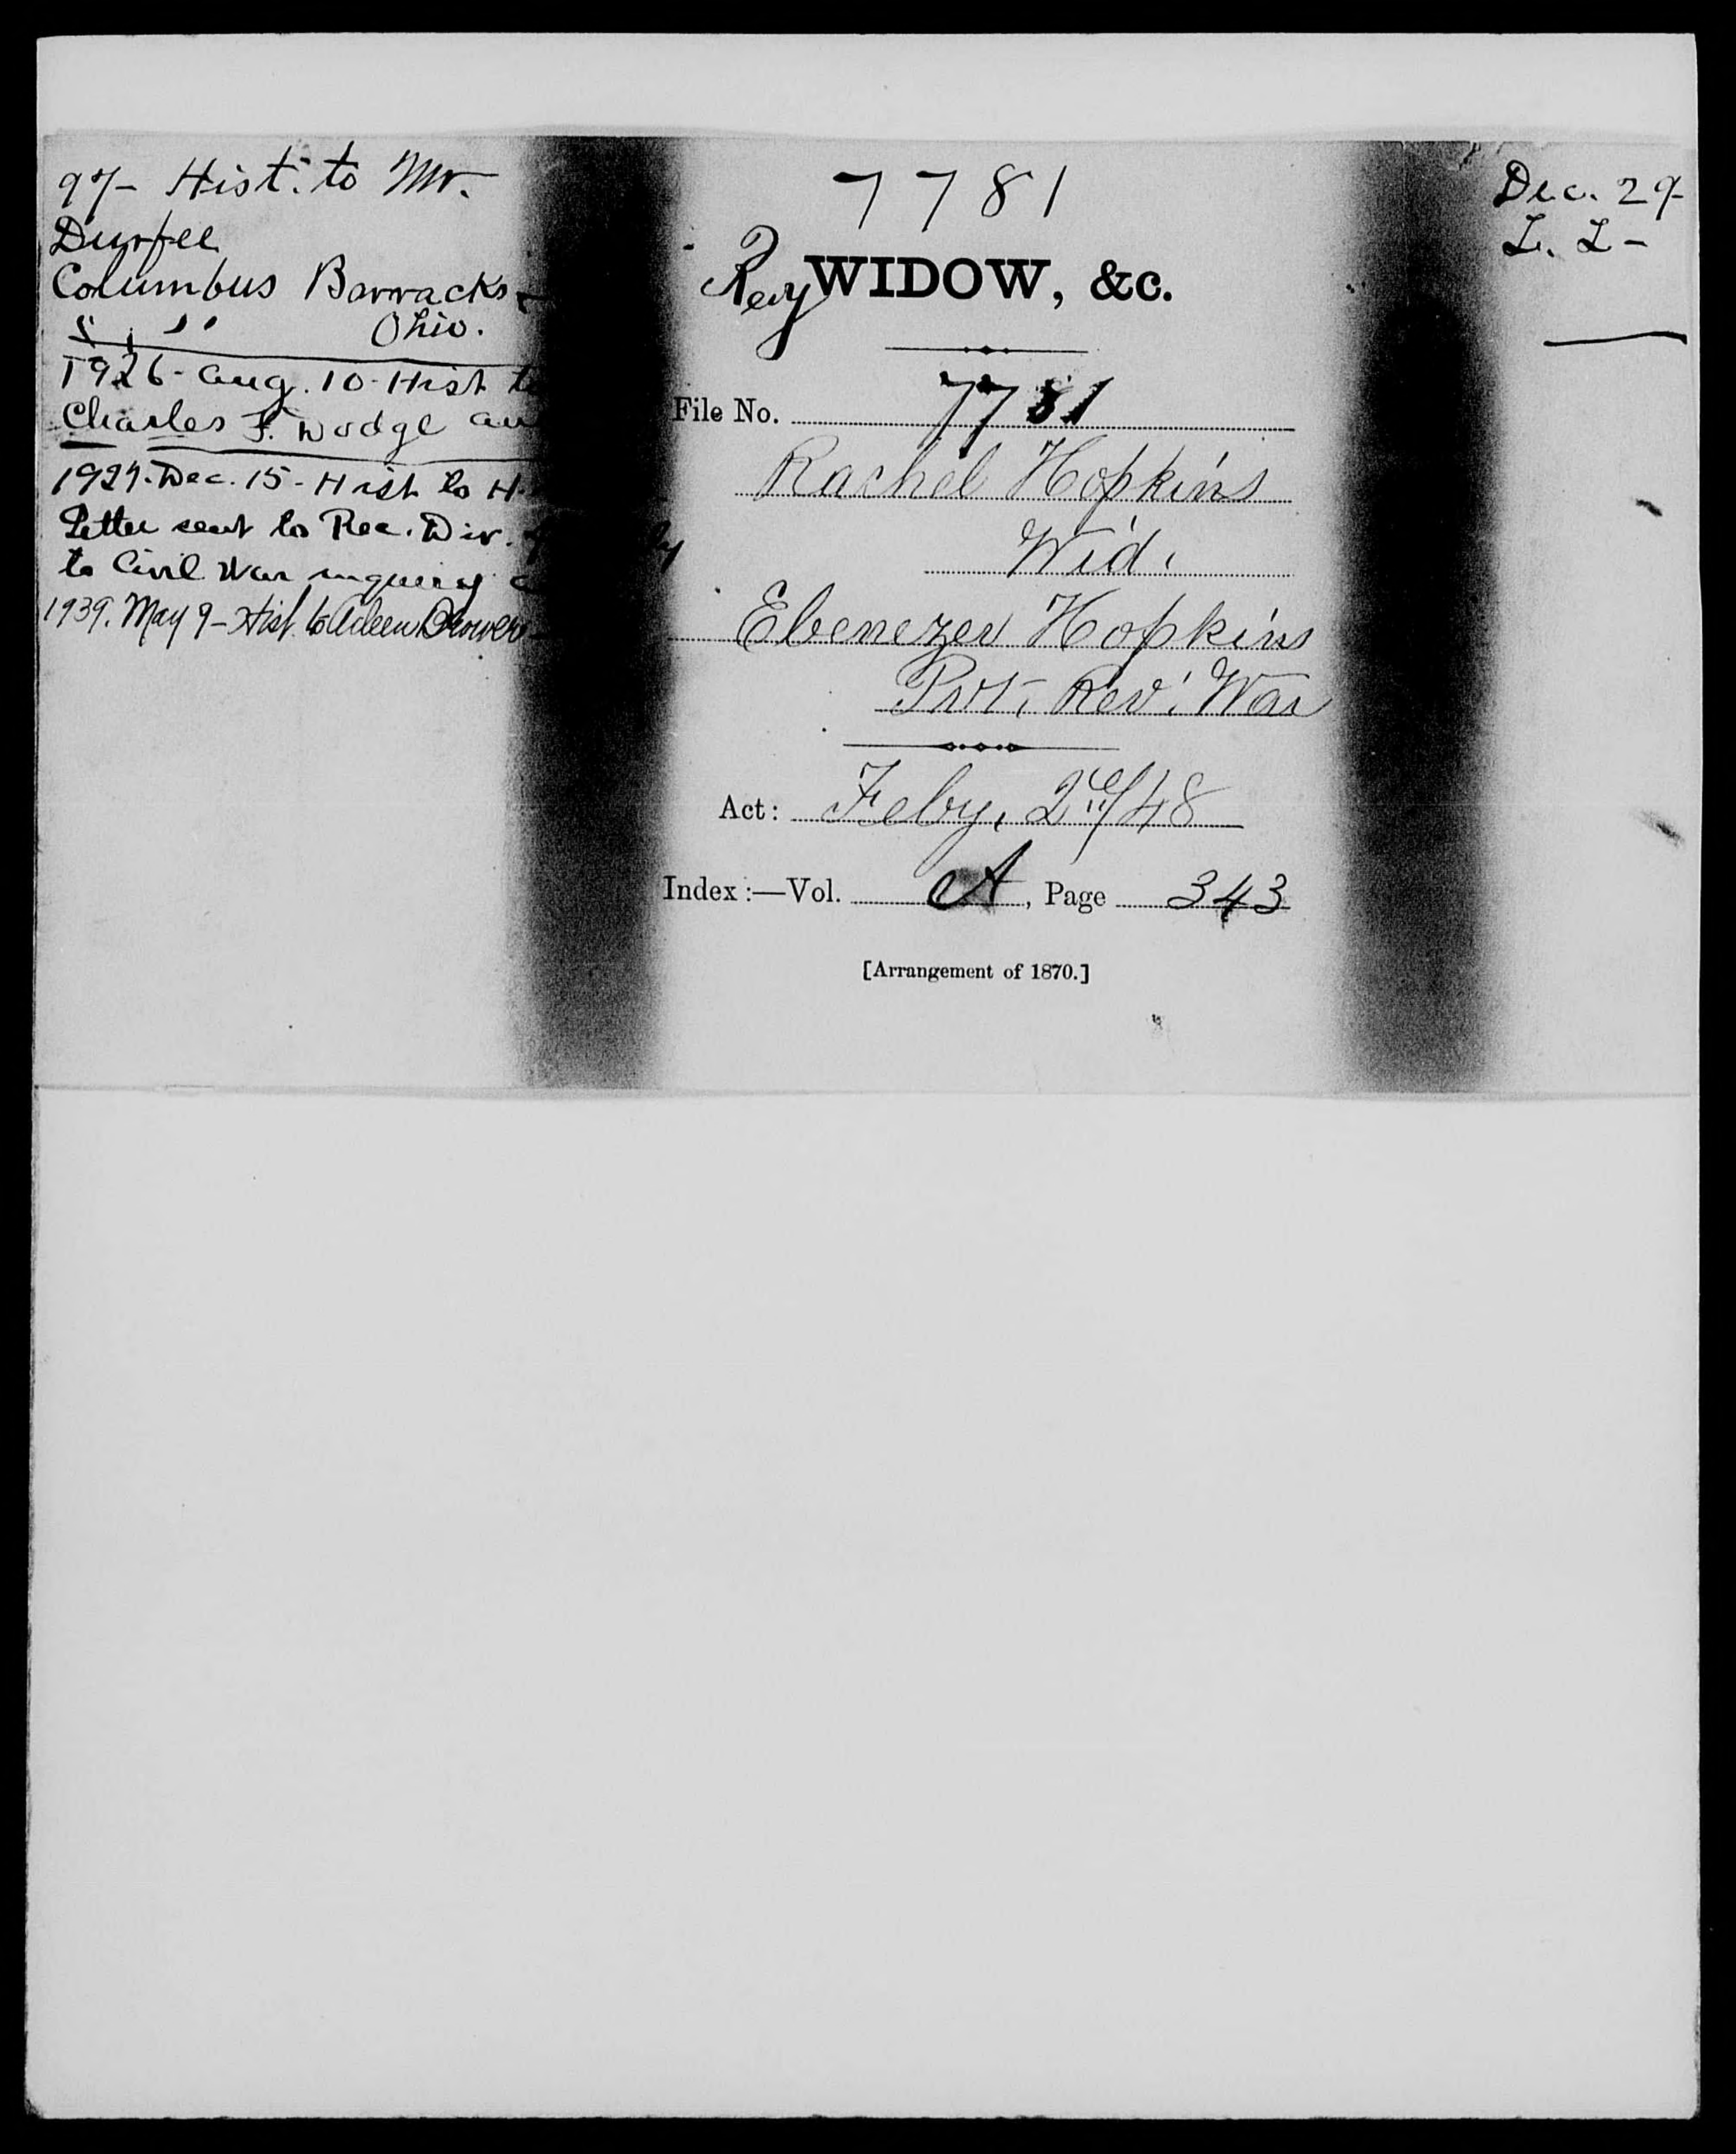3 sections:
Left:
97 - Hist to Mr.
Durfee
Columbus Barracks
Ohio.

1926 - Aug. 10 Hist to
Charles F. Dodge au

1927 Dec. 15. Hist to H.[dark illegible]
Letter sent to Rec. Div. [dark illegible] ly
to Civil War inquiry [dark illegible]
1939. May 9 - Hist to Arleen Brower [dark illegible]

Middle:
7781
Revy WIDOW, &c.
File No. 7781
Rachel Hopkins
Wid
Ebenezer Hopkins
Prvt, Rev. War
-
Act: Feby, 2/48
Index: -- Vol. A, Page 343

[Arrangement of 1870.]


Right side:
Dec. 29
L L.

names: Durfee, Ebenezer Hopkins, Rachel Hopkins, Charles F Dodge, Aileen Brower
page: 80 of 144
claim: rejected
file: R. 5208, Dennis Hopkins, N.C.